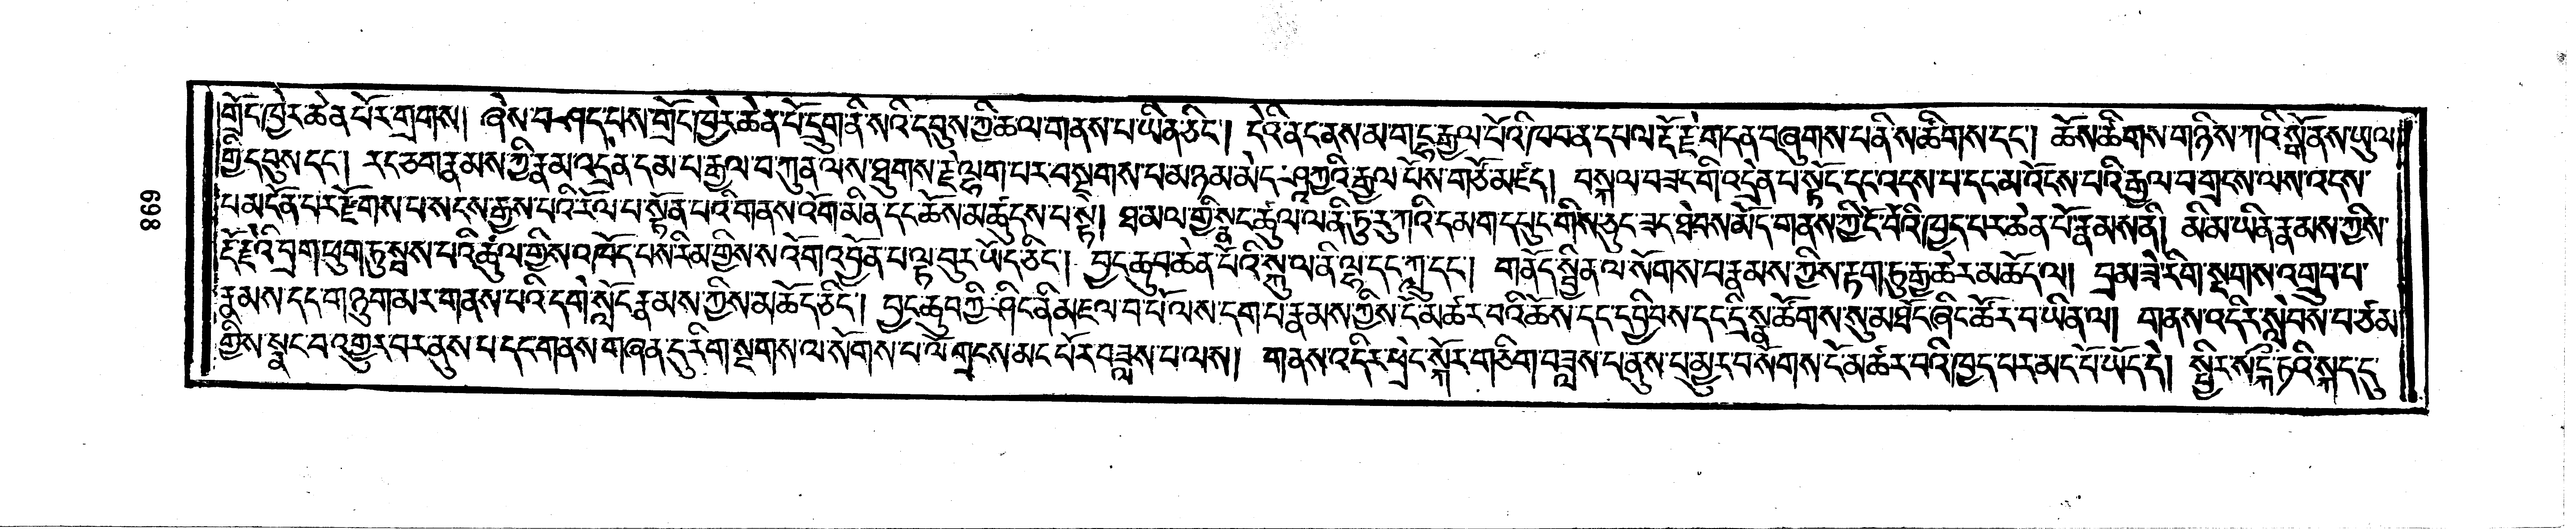གྲོང་ཁྱེར་ཆེན་པོར་གྲགས། ཞེས་བཤད་པས་གྲོང་ཁྱེར་ཆེན་པོ་དྲུག་ནི་སའི་དབུས་ཀྱི་ཆ་ལ་གནས་པ་ཡིན་ཅིང་། དེའི་ནང་ནས་མ་ག་དྷ་རྒྱལ་པོའི་ཁབ་ན་དཔལ་རྡོ་རྗེ་གདན་བཞུགས་པ་ནི་ས་ཚིགས་དང་། ཆོས་ཚིགས་གཉིས་ཀའི་སྒོ་ནས་ཡུལ་
གྱི་དབུས་དང་། རང་ཅག་རྣམས་ཀྱིར་ནམ་འདྲེན་དམ་པ་རྒྱལ་བ་ཀུན་ལས་ཐུགས་རྗེ་ལྷག་པར་བསྔགས་པ་མཉམ་མེད་ཤཱཀྱའི་རྒྱལ་པོས་གཙོ་མཛད། བསྐལ་བཟང་གི་འདྲེན་པ་སྟོང་དང་འདས་པ་དང་མ་འོངས་པའི་རྒྱལ་བ་གྲངས་ལས་འདས་
པ་མངོན་པར་རྫོགས་པ་སངས་རྒྱས་པའི་རོལ་པ་སྟོན་པའི་གནས་འོག་མིན་དང་ཆོས་མཚུངས་པ་སྟེ། ཐ་མལ་གྱི་སྣང་ཚུལ་ལ་ནི་ཏུ་རུ་ཀའི་དམག་དཔུང་གིས་ཅུང་ཟད་ཐེབས་མོད་གནས་ཀྱི་ངོ་བོའི་ཁྱད་པར་ཆེན་པོ་རྣམས་ནི། མི་མ་ཡིན་རྣམས་ཀྱིས་
རྡོ་རྗེའི་བྲག་ཕུག་ཏུ་སྦས་པའི་ཚུལ་གྱིས་འཁོད་པས་རིམ་གྱིས་ས་འོག་འབྱོན་པ་ལྟ་བུར་ཡོད་ཅིང་། བྱང་ཆུབ་ཆེན་པོའི་སྐུ་ལ་ནི་ལྷ་དང་ཀླུ་དང་། གནོད་སྦྱིན་ལ་སོགས་པ་རྣམས་ཀྱིས་རྟག་ཏུ་རྒྱ་ཆེར་མཆོད་ལ། བྲམ་ཟེ་རིག་སྔགས་འགྲུབ་པ་
རྣམས་དང་གཉུག་མར་གནས་པའི་དགེ་སློང་རྣམས་ཀྱིས་མཆོད་ཅིང་། བྱང་ཆུབ་ཀྱི་ཤིང་ནི་མཇལ་བ་པོ་ལས་དག་པ་རྣམས་ཀྱིས་ངོ་མཚར་བའི་ཆོས་དང་དབྱིབས་དང་དྲི་སྣ་ཚོགས་སུ་མཐོང་ཞིང་ཚོར་བ་ཡིན་ལ། གནས་འདིར་སླེབས་པ་ཙམ་
གྱིས་སྣང་བ་འགྱུར་བར་ནུས་པ་དང་གནས་གཞན་དུ་རིག་སྔགས་ལ་སོགས་པ་ལོ་གྲངས་མང་པོར་བཟླས་པ་ལས། གནས་འདིར་ཕྲེང་སྐོར་གཅིག་བཟླས་པ་ནུས་པ་མྱུར་བ་སོགས་ངོ་མཚར་བའི་ཁྱད་པར་མང་པོ་ཡོད་དེ། སྤྱིར་སྀངྐ་ཏའི་སྐད་དུ་